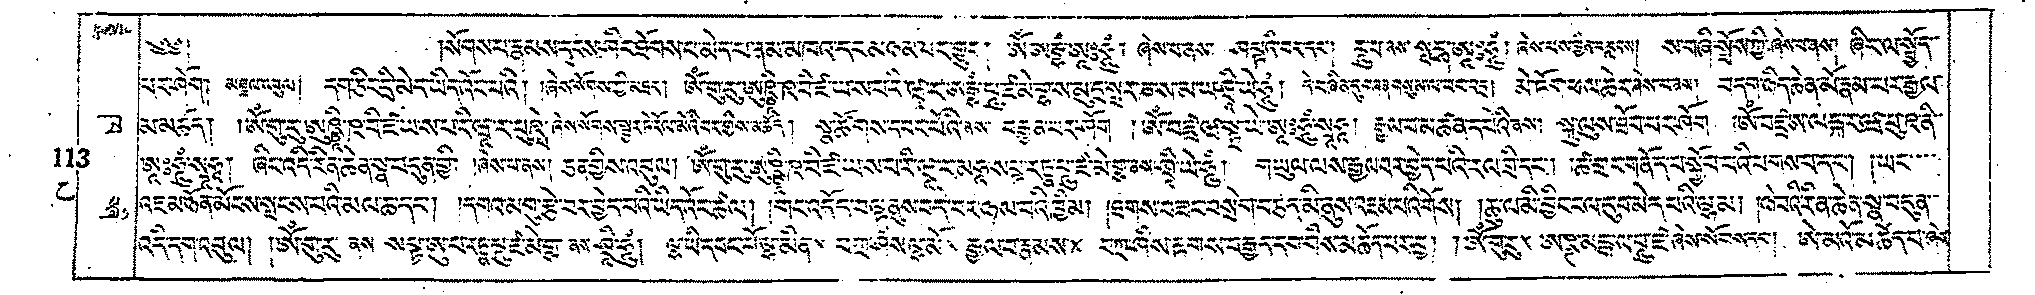༄༅། །སོགས་པ་རྣམས་དྭངས་ཤིང་ཐོགས་པ་མེ་དཔ་ནམ་མྐའ་དང་མཉམ་པར་གྱུར། ཨོཾ་ཨརྒྷཾ་ཨཱཿ ཧཱུཾ། ཞེས་པ་ནས། ཤཔྟའི་བར་དང་།  རཱུ་པ་ནས་སྤརྴ་ཨཱཿ ཧཱུཾ། ཞེས་པས་བྱིན་བརླབས།  ས་གཞི་སྤོས་ཀྱི་ཞེས་པ་ནས།  ཞིང་ལ་སྤྱོད་་་
པར་ཤོག། མཎྜལ་འབུལ།  དག་ཅིང་དྲི་མེད་ཡིད་འོང་པའི། །ཞེས་སོགས་ཀྱི་མཐར།  ཨོཾ་གུ་རུ་ཨུཥྞཱི་ཥ་བི་ཛ་ཡ་ས་པ་རི་ཝཱ་ར་ཨརྒྷཾ་པཱུ་ཛ་མེ་གྷ་ས་མུ་དྲ་སྥ་ར་ཎ་ས་མ་ཡ་ཤྲཱི་ཡེ་ཧཱུཾ། དེ་བཞིན་དུ་གཞན་གསུམ་ལ་ཡང་འདྲ།  མེ་ཏོག་ཕལ་ཆེར་ཞེས་པ་ཞས། བདག་ཉིད་ཆེན་མོ་རྣམ་པར་རྒྱལ་
མ་མཆོད། །ཨོཾགུ་རུ་ཨུཥྞཱི་ཥ་བི་ཛ་ཡ་ས་པ་རི་ཝཱ་ར་པུཥྤེ་ཞེས་སོགས་སྦྱར་ཏེ་རོལ་མོའི་བར་གྱིས་མཆོད།  སྣ་ཚོགས་དབང་པོའི་ནས་བརྒྱན་པར་ཤོག །ཨོཾ་བཛྲ་ཝ་སྟྲ་ཡེ་ཨཱཿ ཧཱུཾ་སྭཱཧཱ། རྒྱལ་བ་མཚན་དཔེའི་ནས། སྐུ་ལུས་ཐོབ་པར་ཤོག །ཨོཾ་བཛྲ་ཨ་ལངྐ་ར་ཝ་པུ་ཥ་ནི་་་
ཨཱཿ ཧཱུཾ་སྭཱཧཱ། ཞིང་འདི་རིན་ཆེན་སྣ་བདུན་གྱི། །ཞེས་པ་ནས།  ཅན་གྱིས་འབུལ། ཨོཾ་གུ་རུ་ཨུཥྞཱི་ཥ་བི་ཛ་ཡ་ས་པ་རི་ཝཱ་ར་མཧཱ་སཔྟ་རཏྣ་པཱུ་ཛ་མེགྷ་ནས་ཤྲཱི་ཡེ་ཧཱུཾ། གཡུལ་ལས་རྒྱལ་བར་བྱེད་པའི་རལ་གྲི་དང་། །ཚ་གྲང་གནོད་པ་སྐྱོབ་པའི་པགས་པ་དང་། ཡང་་་
འཇམ་ཉོན་མོངས་སྤངས་པའི་མལ་ཆ་དང་། །དགའ་མགུ་རྩེ་བར་བྱེད་པའི་ཡིད་འོང་ཚལ། །གང་འདོད་བལྟ་ནུས་བདེ་བར་ཉལ་བའི་ཁྱིམ། །ཐགས་བཟང་བསྲེག་བཅད་མི་ནུས་འཇམ་པའི་གོས། །ཆུ་ལ་མི་བྱིང་ངལ་དུབ་མེད་པའི་ལྷམ། །ཉེ་བའི་རིན་ཆེན་སྣ་བདུན་་་
འདི་དག་འབུལ། །ཨོཾ་གུ་རུ་ནས་ཞས་སཔྟ་ཨུ་པ་རཏྣ་པཱུ་ཛ་མེ་གྷ་ནས་ཤྲཱི་ཧཱུཾ། ལྷ་ཡི་དབང་པོ་ལྷ་མིན་བཀྲ་ཤིས་ལྷ་མོ་྾་རྒྱལ་བ་རྣམས་྾་བཀྲ་ཤིས་རྟགས་བརྒྱད་དག་གིས་མཆོད་པར་བྱ། །ཨོཾ་གུ་རུ་྾་ཨཥྚ་མངྒ་ལ་པཱུ་ཛ་ཞེས་སོགས་དང་། ཨེ་མའོ་མཆོད་པ་ཞེས་